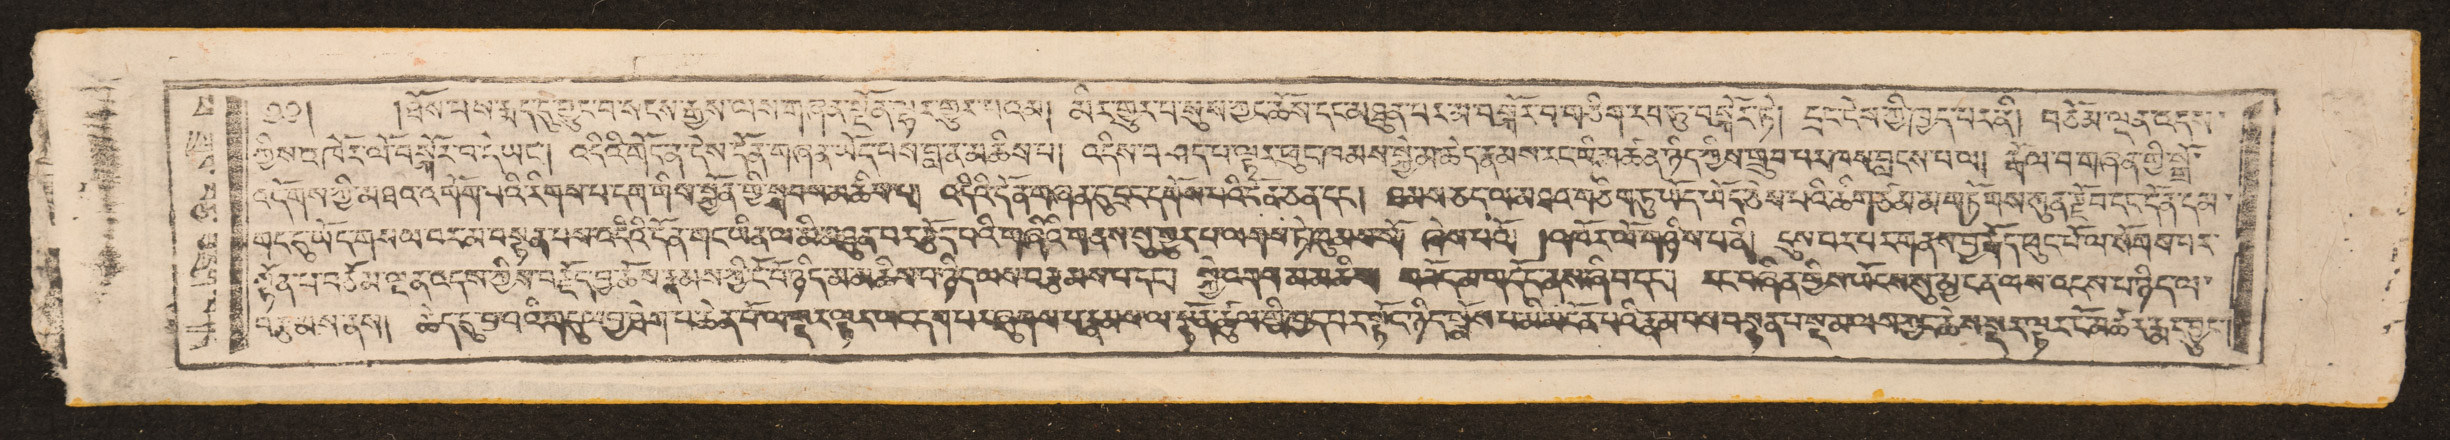༄༅། །ཐོས་པས་རྨད་དུ་བྱུང་བ་སངས་རྒྱས་ལས་གཞན་སྔོན་ལྷར་གྱུར་པའམ། མིར་གྱུར་པ་སུས་ཀྱང་ཆོས་དང་མཐུན་པར་མ་བསྐོར་བ་གཅིག་རབ་ཏུ་བསྐོར་ཏེ། དྲང་ངེས་ཀྱི་ཁྱད་པར་ནི། བཅོམ་ལྡན་འདས་
ཀྱིས་འཁོར་ལོ་བསྐོར་བ་དེ་ཡང་། འདིའི་གོང་ན་དེས་དོན་གཞན་ཡོད་པས་བླ་ན་མཆིས་པ། འདིས་བཤད་པ་ལྟར་ཕུང་ཁམས་སྐྱེ་མཆེད་རྣམས་རང་གི་མཚན་ཉིད་ཀྱིས་གྲུབ་པར་ཁས་བླངས་པ་ལ། རྒོལ་བ་གཞན་གྱི་སྒྲོ་?
འདོགས་ཀྱི་མཐའ་འགོག་པའི་རིགས་པ་དག་གིས་སྐྱོན་གྱི་སྐབས་མཆིས་པ། འདིའི་དོན་གཞན་དུ་དྲང་དགོས་པའི་དོན་ཅན་དང་། ཐམས་ཅད་ལ་མཐའ་གཅིག་ཏུ་ཡོད་ཡོད་ཅེས་པའི་ཚིག་ཙམ་མ་གཏོགས་ཀུན་རྫོབ་དང་དོན་དམ་
གང་དུ་ཡོད་གསལ་བར་མ་བསྟན་པས་འདིའི་དོན་གང་ཡིན་ལ་མི་མཐུན་པར་རྩོད་པའི་གཞིའི་གནས་སུ་གྱུར་པ་ལགས་ཏེ་ཁུམས་སོ། ཞེས་པའོ། །འཁོར་ལོ་གཉིས་པ་ནི། དུས་བར་པར་གནས་བྱ་རྒོད་ཕུང་པོ་ལ་སོགས་པར་
སྟོན་པ་བཅོམ་ལྡན་འདས་ཀྱིས་བརྗོད་བྱ་ཆོས་རྣམས་ཀྱི་ངོ་བོ་ཉིད་མ་མཆིས་པ་ཉིད་ལས་བརྩམས་པ་དང་། སྐྱེ་འགག་མ་མཆིས། གཟོད་མ་གདོད་ནས་ཞི་བ་དང་། རང་བཞིན་གྱིས་ཡོངས་སུ་མྱ་ངན་ལས་འདས་པ་ཉིད་ལ་
བརྩམས་ནས། ཆེད་དུ་བྱ་བའི་གདུལ་བྱ་ཐེག་པ་ཆེན་པོ་ལ་སྔར་ལྟར་ཡང་དག་པར་ཞུགས་པ་རྣམས་ལ་སྟོན་ཚུལ་གྱི་ཁྱད་པར་སྟོང་ཉིད་སྨོས་པ་མི་མངོན་པའི་རྣམ་པས་བསྟན་པ་སྔ་མ་ལས་ཀྱང་ཆེས་སྔར་ལྟར་ངོ་མཚར་རྨད་བྱུང་།